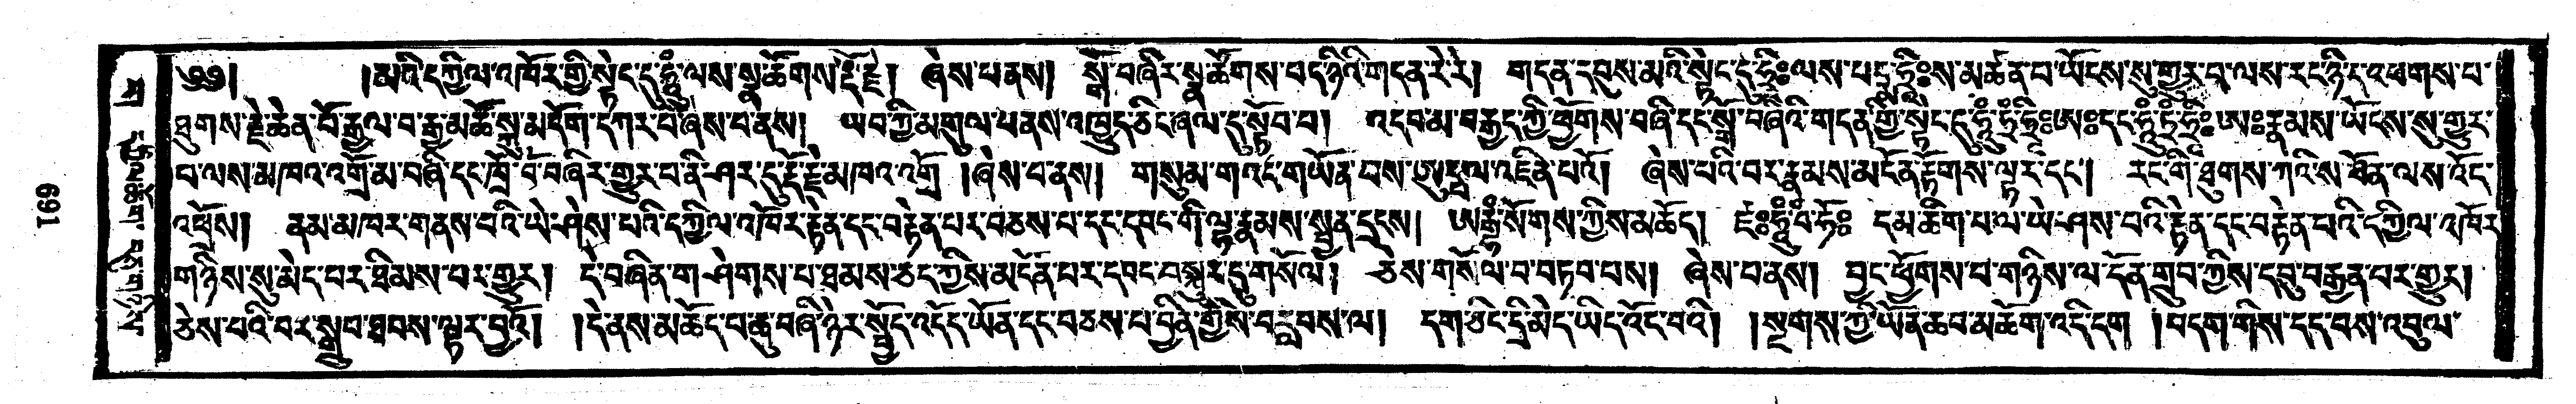༄༅། །མའི་དཀྱིལ་འཁོར་གྱི་སྟེང་དུ་ཧཱུཾ་ལས་སྣ་ཚོགས་རྡོ་རྗེ། ཞེས་པ་ནས། སྒོ་བཞིར་སྣ་ཚོགས་པད་ཉིའི་གདན་རེ་རེ། གདན་དབུས་མའི་སྟེང་དུ་ཧྲཱིཿ ལས་པདམ་ཧྲཱིཿ ས་མཚན་པ་ཡོངས་སུ་གྱུར་པ་ལས་རང་ཉིད་འཕགས་པ་
ཐུགས་རྗེ་ཆེན་པོ་རྒྱལ་བ་རྒྱ་མཚོ་སྐུ་མདོག་དཀར་པོ་ཞེས་བ་ནས། ཡབ་ཀྱི་མགུལ་པ་ནས་འཁྱུད་ཅིང་ཞལ་དུ་སྟོབ་པ། འདབ་མ་བརྒྱད་ཀྱི་ཕྱོགས་བཞི་དང་སྒོ་བཞིའི་གདན་གྱི་སྟེང་དུ་ཧཱུཾ་ཧྲཾ་ཧྲཱིཿ ཨཿ དང་ཧཱུཾ་ཏྲཾ་ཧྲཱིཿ ཨཿ རྣམས་ཡོངས་སུ་གྱུར་
པ་ལས་མཁའ་འགྲོ་མ་བཞི་དང་ཁྲོ་བོ་བཞིར་གྱུར་པ་ནི་ཤར་དུ་རྡོ་རྗེ་མཁའ་འགྲོ་།ཞེས་པ་ནས། གསུམ་གའང་གཡོན་པས་ཨུཏྤལ་འཛིན་པའོ། ཞེས་པའི་བར་རྣམས་མངོན་རྟོགས་ལྟར་དང་། རང་གི་ཐུགས་ཀའི་ས་ཐོན་ལས་འོད་
འཕྲོས། ནམ་མཁར་གནས་པའི་ཡེ་ཤེས་པའི་དཀྱིལ་འཁོར་རྟེན་དང་རྟེན་པར་བཅས་པ་དང་དབང་གི་ལྷ་རྣམས་སྤྱན་དྲངས། ཨརྒྷཾ་སོགས་ཀྱིས་མཆོད། ཛཿ ཧཱུཾ་བཾ་ཧོཿ དམ་ཚིག་པ་ལ་ཡེ་ཤེས་པའི་རྟེན་དང་བརྟེན་པའི་དཀྱིལ་འཁོར་
གཉིས་སུ་མེད་པར་ཐིམས་པར་གྱུར། དེ་བཞིན་གཤེགས་པ་ཐམས་ཅད་ཀྱིས་མངོན་པར་དབང་བསྐུར་དུ་གསོལ། ཅེས་གསོལ་བ་བཏབ་པས། ཞེས་པ་ནས། བྱང་ཕྱོགས་པ་གཉིས་ལ་དོན་གྲུབ་ཀྱིས་དབུ་བརྒྱན་པར་གྱུར།
ཅེས་པའི་བར་སྒྲུབ་ཐབས་ལྟར་བྱའོ། །དེ་ནས་མཆོད་པ་ཆུ་བཞི་ཉེར་སྤྱོད་འདོད་ཡོན་དང་བཅས་པ་བྱིན་གྱིས་བརླབས་ལ། དག་ཅིང་དྲི་མེད་ཡིད་འོང་བའི། །སྔགས་ཀྱི་ཡོན་ཆབ་མཆོག་འདི་དག །བདག་གིས་དད་བས་འབུལ་